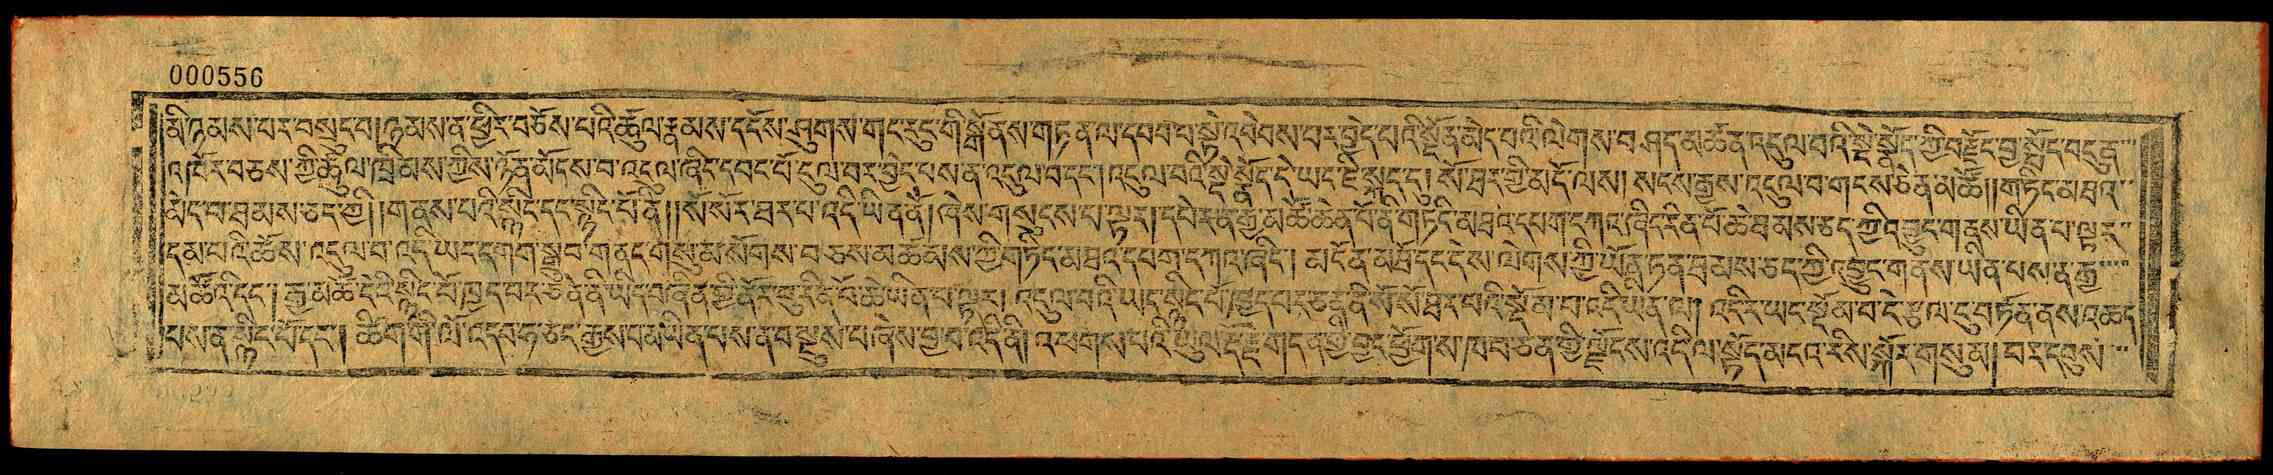མི་ཉམས་པར་བསྲུང་བ། ཉམས་ན་ཕྱིར་བཅོས་པའི་ཚུལ་རྣམས་དངོས་ཤུགས་གང་རུང་གི་སྒོ་ནས་གཏན་ལ་དབབ་པ་སྟེ་འབེབས་པར་བྱེད་པའི་སྔོན་མེད་པའི་ལེགས་བཤད་མཚན་འདུལ་བའི་སྡེ་སྣོད་ཀྱི་བརྗོད་བྱ་སྤོང་བདུན་
འཁོར་བཅས་ཀྱི་ཚུལ་ཁྲིམས་ཀྱིས་ཉོན་མོངས་པ་འདུལ་ཞིང་དབང་པོ་དུལ་བར་བྱེད་པས་ན་འདུལ་བ་དང་། འདུལ་བའི་སྡེ་སྣོད་དེ་ཡང་ཇི་སྐད་དུ། སོ་ཐར་གྱི་མདོ་ལས། སངས་རྒྱས་འདུལ་བ་གངས་ཅན་མཚོ། གཏིང་མཐའ་
མེད་པ་ཐམས་ཅད་ཀྱི། །གནས་པའི་སྙིང་དང་སྙིང་པོ་ནི། །སོ་སོར་ཐར་པ་འདི་ཡིན་ནོ། ཞེས་གསུངས་པ་ལྟར། དཔེར་ན་རྒྱ་མཚོ་ཆེན་པོ་ནི་གཏིང་མཐའ་དཔག་དཀའ་ཞིང་རིན་པོ་ཆེ་ཐམས་ཅད་ཀྱི་འབྱུང་གནས་ཡིན་པ་ལྟར་
དམ་པའི་ཆོས་འདུལ་བ་འདི་ཡང་དགག་སྒྲུབ་གནང་གསུམ་སོགས་བཅས་མཚམས་ཀྱི་གཏིང་མཐའ་དཔག་དཀའ་ཞིང་། མངོན་མཐོ་དང་ངེས་ལེགས་ཀྱི་ཡོན་ཏན་ཐམས་ཅད་ཀྱི་འབྱུང་གནས་ཡིན་པས་ན་རྒྱ་
མཚོའི་དང་། རྒྱ་མཚོ་དེའི་སྙིང་པོ་ཁྱད་པར་ཅན་ནི་ཡིད་བཞིན་གྱི་ནོར་བུ་རིན་པོ་ཆེ་ཡིན་པ་ལྟར། འདུལ་བའི་ཡང་སྙིང་པོ་ཁྱད་པར་ཅན་ནི་སོ་སོ་ཐར་པའི་སྡོམ་པ་འདི་ཡིན་ལ། འདིར་ཡང་སྡོམ་པ་དེ་རྩལ་དུ་བཏོན་ནས་འཆད་
པས་ན་སྙིང་པོ་དང་། ཚིག་གི་ལོ་འདབ་ཧ་ཅང་རྒྱས་པ་མ་ཡིན་པས་ན་བསྡུས་པ་ཞེས་བྱ་བ་འདི་ནི། འཕགས་པའི་ཡུལ་རྡོ་རྗེ་གདན་གྱི་བྱང་ཕྱོགས་ཁ་བ་ཅན་གྱི་ལྗོངས་འདི་ལ་སྟོད་མངའ་རིས་སྐོར་གསུམ། བར་དབུས་